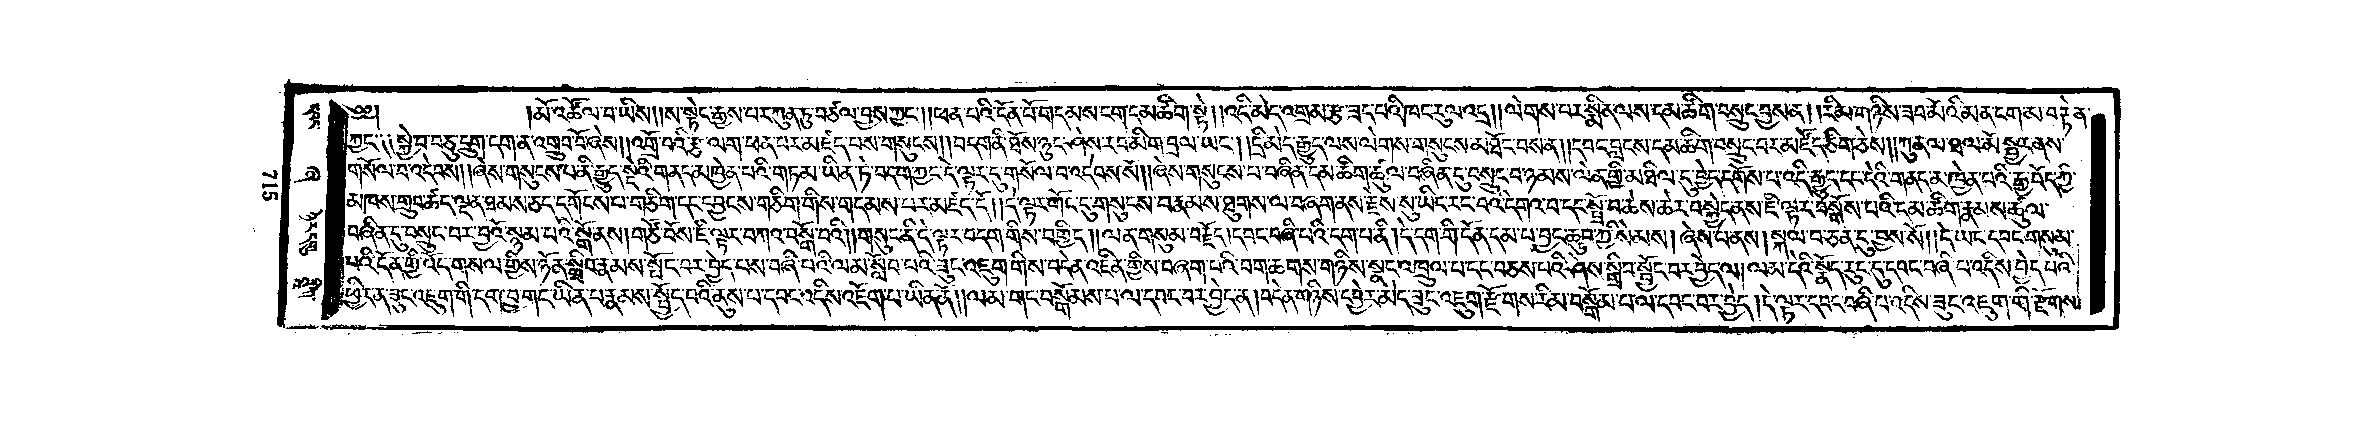༄༅། །མོ་འཚོལ་བ་ཡིས། །ས་སྟེང་རྒྱས་པར་ཀུན་ཏུ་བཙལ་བྱས་ཀྱང་། །ཕན་པའི་དོན་པོ་གདམས་ངག་དམ་ཚིག་སྟེ། །འདི་མེད་འགྲམ་རྩ་ཟད་པའི་ཁང་རུལ་འདྲ། །ལེགས་པར་སྨིན་ལས་དམ་ཚིག་བསྲུང་བྱས་ན། །རིམ་གཉིས་ཟབ་མོའི་མན་ངག་མ་བརྟེན་
ཀྱང་། །སྐྱེ་བ་བཅུ་དྲུག་དག་ན་འགྲུབ་བོ་ཞེས། །འགྲོ་བའི་རྩ་ལག་ཕན་པར་མཛད་པས་གསུངས། །བདག་ནི་ཐོས་ཉུང་ཤེས་རབ་མིག་བྲལ་ཡང་། །དྲི་མེད་རྒྱུད་ལས་ལེགས་གསུངས་མཐོང་བས་ན། །དབང་བླངས་དམ་ཚིག་བསྲུང་བར་མཛོད་ཅིག་ཅེས། །ཀུན་ལ་ཐལ་མོ་སྦྱར་ནས་
གསོལ་བ་འདེབས། །ཞེས་གསུངས་པ་ནི་རྒྱུད་སྡེའི་གནད་མཁྱེན་པའི་གཏམ་ཡིན་ཏེ་བདག་ཀྱང་དེ་ལྟར་དུ་གསོལ་བ་འདེབས་སོ། །ཞེས་གསུངས་པ་བཞིན་དམ་ཚིག་ཚུལ་བཞིན་དུ་བསྲུང་བ་ཉམས་ལེན་གྱི་མཐིལ་དུ་བྱེད་དགོས་པ་འདི་རྒྱུད་དང་དེའི་གནད་མཁྱེན་པའི་རྒྱ་བོད་ཀྱི་
མཁས་གྲུབ་ཚད་ལྡན་ཐམས་ཅད་དགོངས་པ་གཅིག་དང་དབྱངས་གཅིག་གིས་གདམས་པར་མཛད་དོ། །དེ་ལྟར་གོང་དུ་གསུངས་བ་རྣམས་ཐུགས་ལ་བཞག་ནས་རྗེས་སུ་ཡིད་རང་བའི་དགའ་བ་དང་སྤྲོ་བ་ཆེས་ཆེར་བསྐྱེད་ནས་ཇི་ལྟར་བསྒོས་པའི་དམ་ཚིག་རྣམས་ཚུལ་
བཞིན་དུ་བསྲུང་བར་བྱའོ་སྙམ་པའི་སྒོ་ནས། གཙོ་བོས་ཇི་ལྟར་བཀའ་བསྒོ་བའི། །གསུང་ནི་དེ་ལྟར་བདག་གིས་བགྱིད། །ལན་གསུམ་བརྗོད། དབང་བཞི་པའི་དག་པ་ནི། དེ་དག་གི་དོན་དམ་པ་བྱང་ཆུབ་ཀྱི་སེམས། ཞེས་པ་ནས། སྐལ་བ་ཅན་དུ་བྱས་སོ། །དེ་ཡང་དབང་གསུམ་
པའི་དོན་གྱི་འོད་གསལ་གྱིས་ཉོན་སྒྲིབ་རྣམས་སྤོང་བར་བྱེད་པས་བཞི་པའི་ལམ་སློབ་པའི་ཟུང་འཇུག་གིས་བདེན་འཛིན་གྱིས་བཞག་པའི་བག་ཆགས་གཉིས་སྣང་འཁྲུལ་པ་དང་བཅས་པའི་ཤེས་སྒྲིབ་སྦྱོང་བར་བྱེད་ལ། ལམ་དེའི་སྣོད་རུང་དུ་དབང་བཞི་པ་འདིས་བྱེད་པའི་
ཕྱིར་ན་ཟུང་འཇུག་གི་དག་བྱ་གང་ཡིན་པ་རྣམས་སྤྱོད་པའི་ནུས་པ་དབང་འདིས་འཇོག་པ་ཡིན་ནོ། །ལམ་གང་བསྒོམས་པ་ལ་དབང་བར་བྱེད་ན། བདེན་གཉིས་དབྱེར་མེད་ཟུང་འཇུག་རྫོགས་རིམ་བསྒོམ་པ་ལ་དབང་བར་བྱེད། དེ་ལྟར་དབང་བཞི་པ་འདིས་ཟུང་འཇུག་གི་རྫོགས་